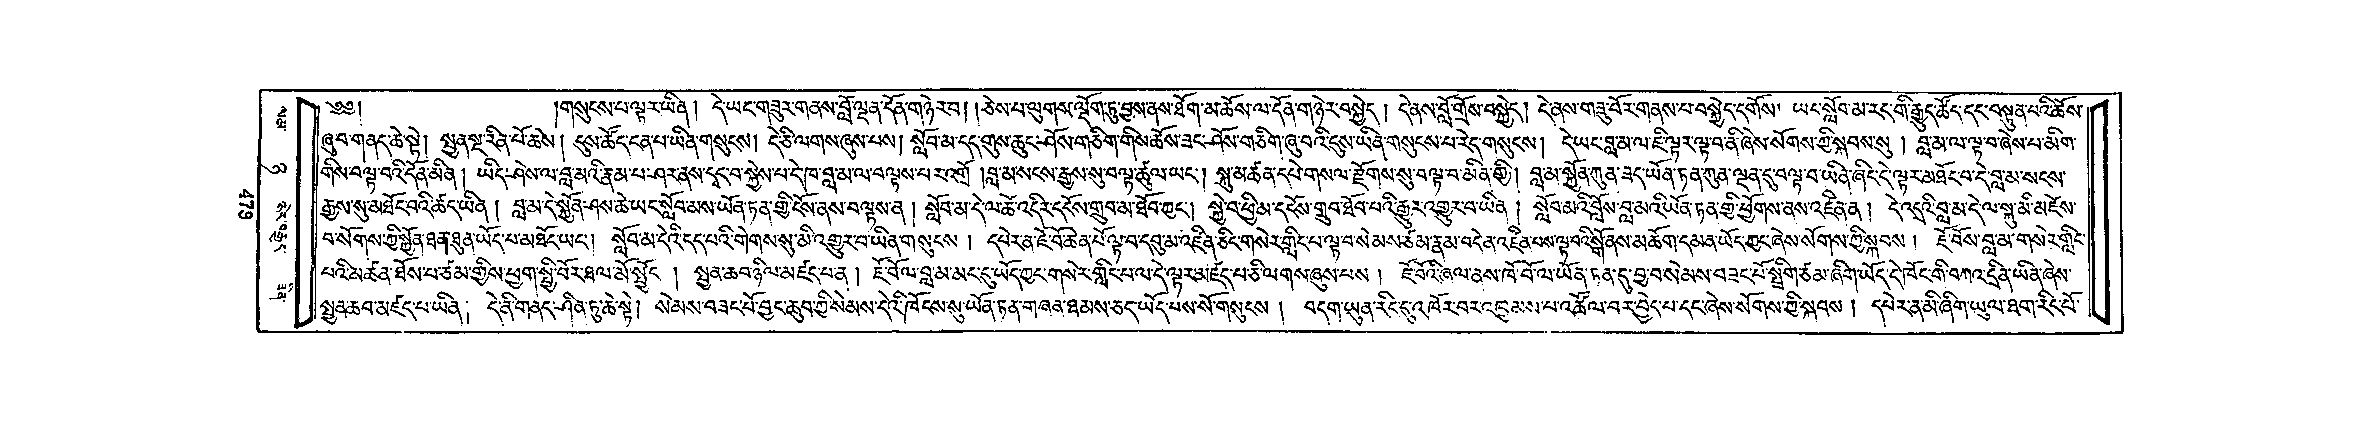༄༅། །གསུངས་པ་ལྟར་ཡིན། དེ་ཡང་གཟུར་གནས་བློ་ལྡན་དོན་གཉེར་བ། །ཅེས་པ་ལུགས་ལྡོག་ཏུ་བྱས་ནས་ཐོག་མ་ཆོས་ལ་དོན་གཉེར་བསྐྱེད། དེ་ནས་བློ་གྲོས་བསྐྱེད། དེ་ནས་གཟུ་བོར་གནས་པ་བསྐྱེད་དགོས། ཡང་སློབ་མ་རང་གི་རྒྱུད་ཚོད་དང་བསྟུན་པའི་ཆོས་
ཞུ་བ་གནད་ཆེ་སྟེ། སྤྱན་སྔ་རིན་པོ་ཆེས། དུས་ཚོད་ངན་པ་ཡིན་གསུངས། དེ་ཅི་ལགས་ཞུས་པས། སློབ་མ་དད་གུས་ཆུང་ཤོས་གཅིག་གིས་ཆོས་ཟང་ཤོས་གཅིག་ཞུ་བའི་དུས་ཡིན་གསུངས་པ་རེད་གསུངས། དེ་ཡང་བླ་མ་ལ་ཇི་ལྟར་ལྟ་བ་ནི་ཞེས་སོགས་ཀྱི་སྐབས་སུ། བླ་མ་ལ་ལྟ་བ་ཞེས་པ་མིག་
གིས་བལྟ་བའི་དོན་མིན། ཡིད་ཤེས་ལ་བླ་མའི་རྣམ་པ་ཤར་ནས་དྭང་བ་སྐྱེས་པ་དེ་ཁ་བླ་མ་ལ་བལྟས་པར་འགྲོ་།བླ་མ་སངས་རྒྱས་སུ་བལྟ་ཚུལ་ཡང་། སྐུ་མཚན་དཔེ་གསལ་རྫོགས་སུ་བལྟ་བ་མིན་གྱི། བླ་མ་སྐྱོན་ཀུན་ཟད་ཡོན་ཏན་ཀུན་ལྡན་དུ་བལྟ་བ་ཡིན་ཞིང་དེ་ལྟར་མཐོང་བ་དེ་བླ་མ་སངས་
རྒྱས་སུ་མཐོང་བའི་ཚད་ཡིན། བླ་མ་དེ་སྐྱོན་ཤས་ཆེ་ཡང་སློབ་མས་ཡོན་ཏན་གྱི་ངོས་ནས་བལྟས་ན། སློབ་མ་དེ་ལ་ཚེ་འདིར་དངོས་གྲུབ་མ་ཐོབ་ཀྱང་། སྐྱེ་བ་ཕྱི་མ་དངོས་གྲུབ་ཐོབ་པའི་རྒྱུར་འགྱུར་བ་ཡིན། སློབ་མའི་བློས་བླ་མའི་ཡོན་ཏན་གྱི་ཕྱོགས་ནས་འཛིན་ན། དེ་འདྲའི་བླ་མ་དེ་ལ་སྐུ་མི་མཛེས་
བ་སོགས་ཀྱི་སྐྱོན་ཐན་ཐུན་ཡོད་པ་མཐོང་ཡང་། སློབ་མ་དེའི་དད་པའི་གེགས་སུ་མི་འགྱུར་བ་ཡིན་གསུངས། དཔེར་ན་ཇོ་བོ་ཆེན་པོ་ལྟ་བ་དབུ་མ་འཛིན་ཅིང་གསེར་གླིང་པ་ལྟ་བ་སེམས་ཙམ་རྣམ་བདེན་འཛིན་པས་ལྟ་བའི་སྒོ་ནས་མཆོག་དམན་ཡོད་ཀྱང་ཞེས་སོགས་ཀྱི་སྐབས། ཇོ་བོས་བླ་མ་གསེར་གླིང་
པའི་མཚན་ཐོས་པ་ཙམ་གྱིས་ཕྱག་སྤྱི་བོར་ཐལ་མོ་སྤྱོད། སྤྱན་ཆབ་ཉིལ་མཛད་པ་ན། ཇོ་བོ་ལ་བླ་མ་མང་དུ་ཡོད་ཀྱང་གསེར་གླིང་པ་ལ་དེ་ལྟར་མཛད་པ་ཅི་ལགས་ཞུས་པས། ཇོ་བོའི་ཞལ་ནས་ཁོ་བོ་ལ་ཡོན་ཏན་དུ་བྱ་བ་སེམས་བཟང་པོ་སྤྲིག་ཙམ་ཞིག་ཡོད་དེ་ཁོང་གི་བཀའ་དྲིན་ཡིན་ཞེས་
སྤྱན་ཆབ་མཛད་པ་ཡིན། དེ་ནི་གནད་ཤིན་ཏུ་ཆེ་སྟེ། སེམས་བཟང་པོ་བྱང་ཆུབ་ཀྱི་སེམས་དེའི་ཁོངས་སུ་ཡོན་ཏན་གཞན་ཐམས་ཅད་ཡོད་པས་སོ་གསུངས། བདག་ཡུན་རིང་དུ་འཁོར་བར་འཁྱམས་པ་འཚོལ་བར་བྱེད་པ་དང་ཞེས་སོགས་ཀྱི་སྐབས། དཔེར་ན་མི་ཞིག་ཡུལ་ཐག་རིང་པོ་